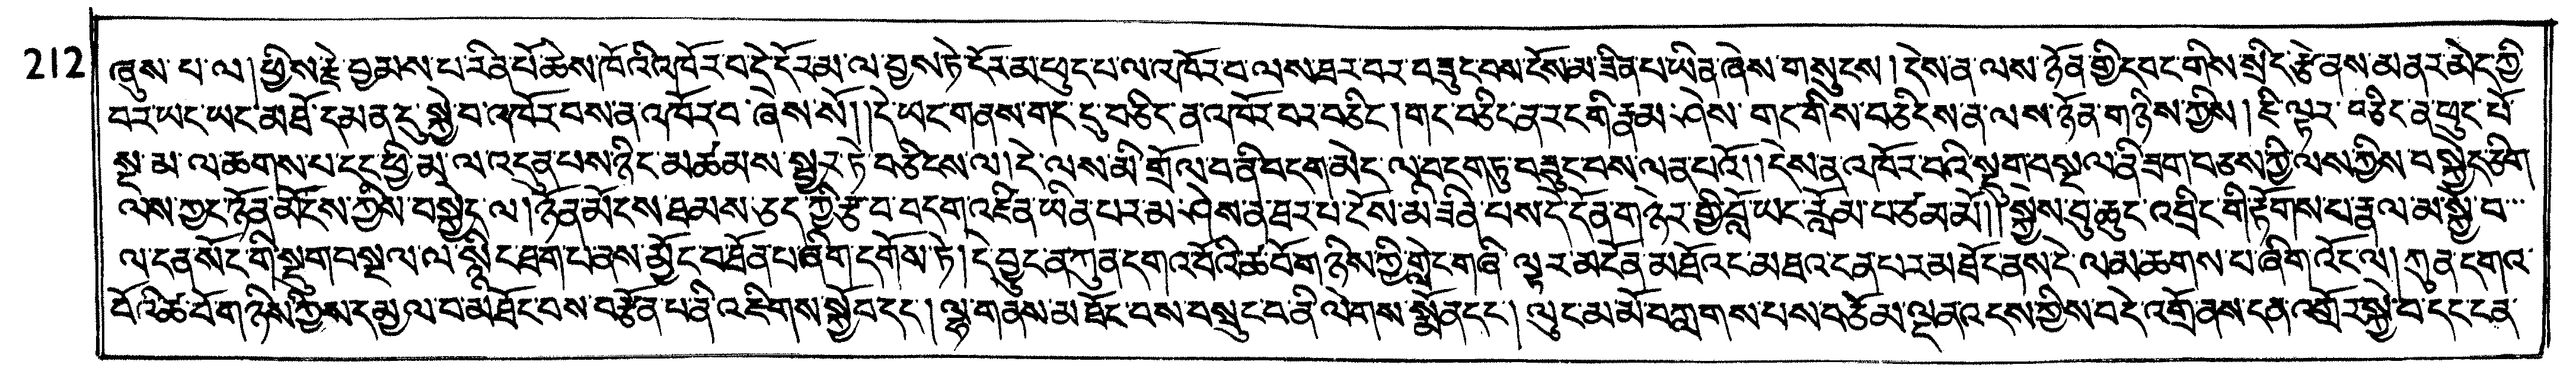ཞུས་པ་ལ། ཕྱིས་རྗེ་བྱམས་པ་རིན་པོ་ཆེས་ཁོའི་འཁོར་བ་དེ་དོར་མ་ལ་བྱས་ཏེ་དོར་མ་ཕུང་པ་ལ་འཁོར་བ་ལས་ཐར་བར་བཟུང་བས་ངོས་མ་ཟིན་པ་ཡིན་ཞེས་གསུངས། དེས་ན་ལས་ཉོན་གྱི་དབང་གིས་སྲིད་རྩེ་ནས་མནར་མེད་ཀྱི་
བར་ཡང་ཡང་མཐོ་དམན་དུ་སྐྱེ་བ་འཁོར་བས་ན་འཁོར་བ་ཞེས་སོ། །དེ་ཡང་གནས་གང་དུ་བཅིང་ན་འཁོར་བར་བཅིང་། གང་བཅིང་ན་རང་གི་རྣམ་ཤེས་གང་གིས་བཅིངས་ན་ལས་ཉོན་གཉིས་ཀྱིས། ཇི་ལྟར་བཅིང་ན་ཕུང་པོ་
སྔ་མ་ལ་ཆགས་པ་དང་ཕྱི་མ་ལ་འདུན་པས་ཉིང་མཚམས་སྦྱར་ཏེ་བཅིངས་ལ། དེ་ལས་མི་གྲོལ་བ་ནི་བདག་མེད་ལ་བདག་ཏུ་བཟུང་བས་ལན་པའོ། །དེས་ན་འཁོར་བའི་སྡུག་བསྔལ་ནི་ཟག་བཅས་ཀྱི་ལས་ཀྱིས་བསྐྱེད་ཅིག་
ལས་ཀྱང་ཉོན་མོངས་ཀྱིས་བསྐྱེད་ལ། ཉོན་མོངས་ཐམས་ཅད་ཀྱི་རྩ་བ་བདག་འཛིན་ཡིན་པར་མ་ཤེས་ན་ཐར་པ་ངོས་མི་ཟིན་པས་དེ་དོན་གཉེར་གྱི་བློ་ཡང་རློམ་པ་ཙམ་མོ། །སྐྱེས་བུ་ཆུང་འབྲིང་གི་རྟོགས་པ་རྣལ་མ་སྐྱེ་བ་
ལ་ངན་སོང་གི་སྡུག་བསྔལ་ལ་སྙིང་ཐག་པ་ནས་མྱོང་བ་ཐོན་པ་ཞིག་དགོས་ཏེ། དེ་བྱུང་ན་ཀུན་དགའ་བོའི་ཚ་བོ་གཉིས་ཀྱི་གླེང་གཞི་ལྟར་མངོན་མཐོའང་མཐའ་ངན་པར་མཐོང་ནས་དེ་ལམ་ཆགས་པ་ཞིག་འོང་ལ། ཀུན་དགའ་
བོའི་ཚ་བོ་གཉིས་ཀྱིས་དམྱལ་བ་མཐོང་བས་བརྩོན་པ་ནི་འཇིགས་སྐྱོབ་དང་། ལྷ་གནས་མཐོང་བས་བསྲུང་བ་ནི་ལེགས་སྨོན་དང་། ལུང་མ་མོ་བཀླགས་པས་བཅོམ་ལྡན་འདས་ཀྱིས་བདེ་འགྲོ་ནས་ངན་འགྲོར་སྐྱེ་བ་དང་ངན་